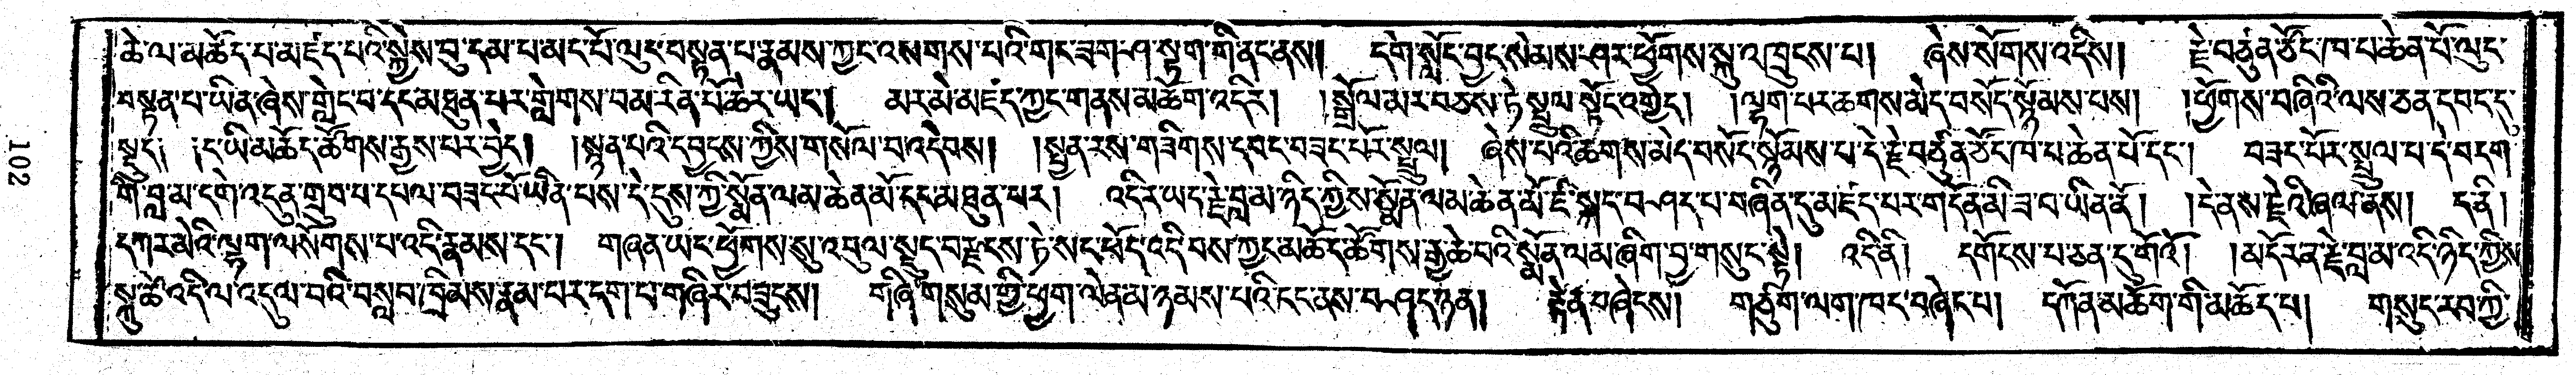ཆེ་ལ་མཆོད་པ་མཛད་པའི་སྐྱེས་བུ་དམ་པ་མང་པོ་ལུང་བསྟན་པ་རྣམས་ཀྱང་འྶགས་པའི་གང་ཟག་ཤ་སྟག་གི་ནང་ནས། དགེ་སློང་བྱང་སེམས་ཤར་ཕྱོགས་སྐུ་འཁྲུངས་པ། ཞེས་སོགས་འདིས། རྗེ་བཙུན་ཙོང་ཁ་པ་ཆེན་པོ་ལུང་
བསྟན་པ་ཡིན་ཞེས་གླེང་བ་དང་མཐུན་པར་གླེགས་བམ་རིན་པོ་ཆེར་ཡང་། མར་མེ་མཛད་ཀྱང་གནས་མཆོག་འདིར། །སྒྲོལ་མར་བཅས་ཏེ་སྤྲུལ་སྟོང་འབྱེད། །ལྷག་པར་ཆགས་མེད་བསོད་སྙོམས་པས། །ཕྱོགས་བཞིའི་ལས་ཅན་དབང་དུ་
སྡུད༑ ༑ང་ཡི་མཆོད་ཚོགས་རྒྱས་པར་བྱེད། །སྙན་པའི་དབྱངས་ཀྱིས་གསོལ་བ་འདེབས། །སྤྱན་རས་གཟིགས་དབང་བཟང་པོར་སྤྲུལ། ཞེས་པའི་ཆགས་མེད་བསོང་སྙོམས་པ་དེ་རྗེ་བཙུན་ཙོང་ཁ་པ་ཆེན་པོ་དང་། བཟང་པོར་སྤྲུལ་པ་དེ་བདག་
གི་བླ་མ་དགེ་འདུན་གྲུབ་པ་དཔལ་བཟང་པོ་ཡིན་པས་དེ་དུས་ཀྱི་སྨོན་ལམ་ཆེན་མོ་དང་མཐུན་པར། འདིར་ཡང་རྗེ་བླ་མ་ཉིད་ཀྱིས་སྨོན་ལམ་ཆེན་མོ་ཇི་སྐད་བཤད་པ་བཞིན་དུ་མཛད་པར་གདོན་མི་ཟ་བ་ཡིན་ནོ། །དེ་ནས་རྗེའི་ཞལ་ནས། ད་ནི།
དཀར་མེའི་ལྷག་ལ་སོགས་པ་འདི་རྣམས་དང་། གཞན་ཡང་ཕྱོགས་སུ་འབུལ་སྡུད་བརྫངས་ཏེ་སང་ཕོད་འདི་བས་ཀྱང་མཆོད་ཚོགས་རྒྱ་ཆེ་བའི་སྨོན་ལམ་ཞིག་བྱ་གསུང་སྟེ། འདི་ནི། དགོངས་པ་ཅན་དུ་གོའོ། །མདོར་ན་རྗེ་བླ་མ་འདི་ཉིད་ཀྱིས་
སྐུ་ཚེ་འདི་ལ་འདུལ་བའི་བསླབ་ཁྲིམས་རྣམ་པར་དག་པ་གཞིར་བཟུངས། གཞི་གསུམ་གྱི་ཕྱག་ལེན་མ་ཉམས་པའི་ངང་ནས་བཤད་ཉན། རྟེན་བཞེངས། གཙུག་ལག་ཁང་བཞེང་པ། དཀོན་མཆོག་གི་མཆོད་པ། གསུང་རབ་ཀྱི་